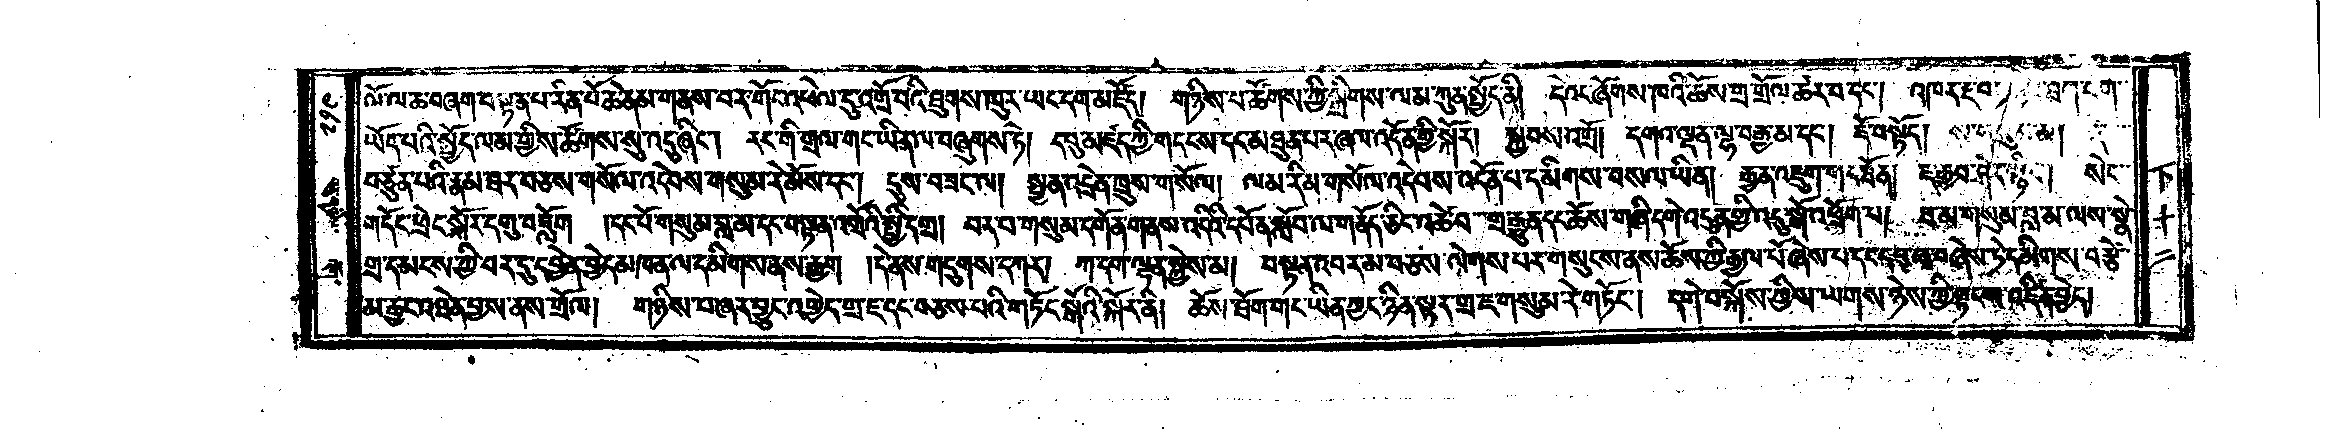ལོ་ལ་ཆ་བཞག་བསྟན་པ་རིན་པོ་ཆེ་ནམ་གནས་བར་གོང་འཕེལ་དུ་འགྲོ་བའི་བགས?་ཁུར་ཡང་དག་མཛོད། གཉིས་པ་ཚོགས་ཀྱི་སྒྲིགས་ལམ་ཀུན་སྤྱོད་ནི། དེའང་ཞོགས་ཁའི་ཆོས་གྲ་གྲོལ་ཚར་བ་དང་། འཁར་རྡ་བཏང་མ་ཐག་བག་
ཡོད་པའི་སྤྱོད་ལམ་གྱིས་ཚོགས་སུ་འདུ་ཞིང་། རང་གི་གྲལ་གང་ཡིན་ལ་བཞུགས་ཏེ། དབུ་མཛད་ཀྱི་གདངས་དང་མཐུན་པར་ཞལ་འདོན་གྱི་སྐོར། སྐྱབས་འགྲོ། དགའ་ལྡན་ལྷ་བརྒྱ་མ་དང་། ཇོ་བསྟོད། ས་གསུམ་མ། རྗེ་
བཙུན་པའི་རྣམ་ཐར་བཅས་གསོལ་འདེབས་གསུམ་རེ་མོས་དང་། དུས་བཟང་ལ། སྤྱན་འདྲེན་ཁྲུས་གསོལ། ལམ་རིམ་གསོལ་འདེབས་འདོན་པ་དམིགས་བསལ་ཡིན། རྒྱན་འཇུག་གང་ཐོན། ཇ་རྒྱབ་ཤེར་སྙིང་། སེང་
གདོང་ཕྲེང་སྐོར་དགུ་བཟློག །དང་པོ་གསུམ་བླ་མ་དང་བསྟན་འགྲོའི་སྤྱི་དགྲ། བར་པ་གསུམ་དགོན་གནས་འདིའི་དཔོན་སློབ་ལ་གནོད་ཅིང་འཚེ་བ་གྲ་རྒྱུན་དང་ཆོས་གཞི་དགེ་འདུན་གྱི་འདུ་སྒོ་འཕྲོག་པ། ཐ་མ་གསུམ་བླ་མ་ལས་སྣེ་
གྲ་དམངས་ཀྱི་བར་དུ་དབྱེན་བྱེད་མཁན་ལ་དམིགས་ནས་རྒྱག །དེ་ནས་གདུགས་དཀར། ཀ་དག་ལྷན་སྐྱེས་མ། བསྟན་འབར་མ་བཅས་ལེགས་པར་གསུངས་ནས་ཆོས་ཀྱི་རྒྱལ་པོ་ཞེས་པ་དང་དབུ་ཞྭ་བཞེས་ཏེ་དམིགས་བརྩེ་
མ་རྒྱང་འཐེན་བྱས་ནས་གྲོལ། གཉིས་པ་ཞར་བྱུང་འགྱེད་གྲ་ཇ་དང་བཅས་པའི་གཏོང་སྒོའི་སྐོར་ནི། ཆོས་ཐོག་གང་ཡིན་ཀྱང་ཉིན་སྟར་གྲ་ཇ་གསུམ་རེ་གཏོང་། དགེ་བསྐོས་ཀྱིས་ཡགས་ཉེས་ཀྱི་སྟངས་འཛིན་བྱེད།